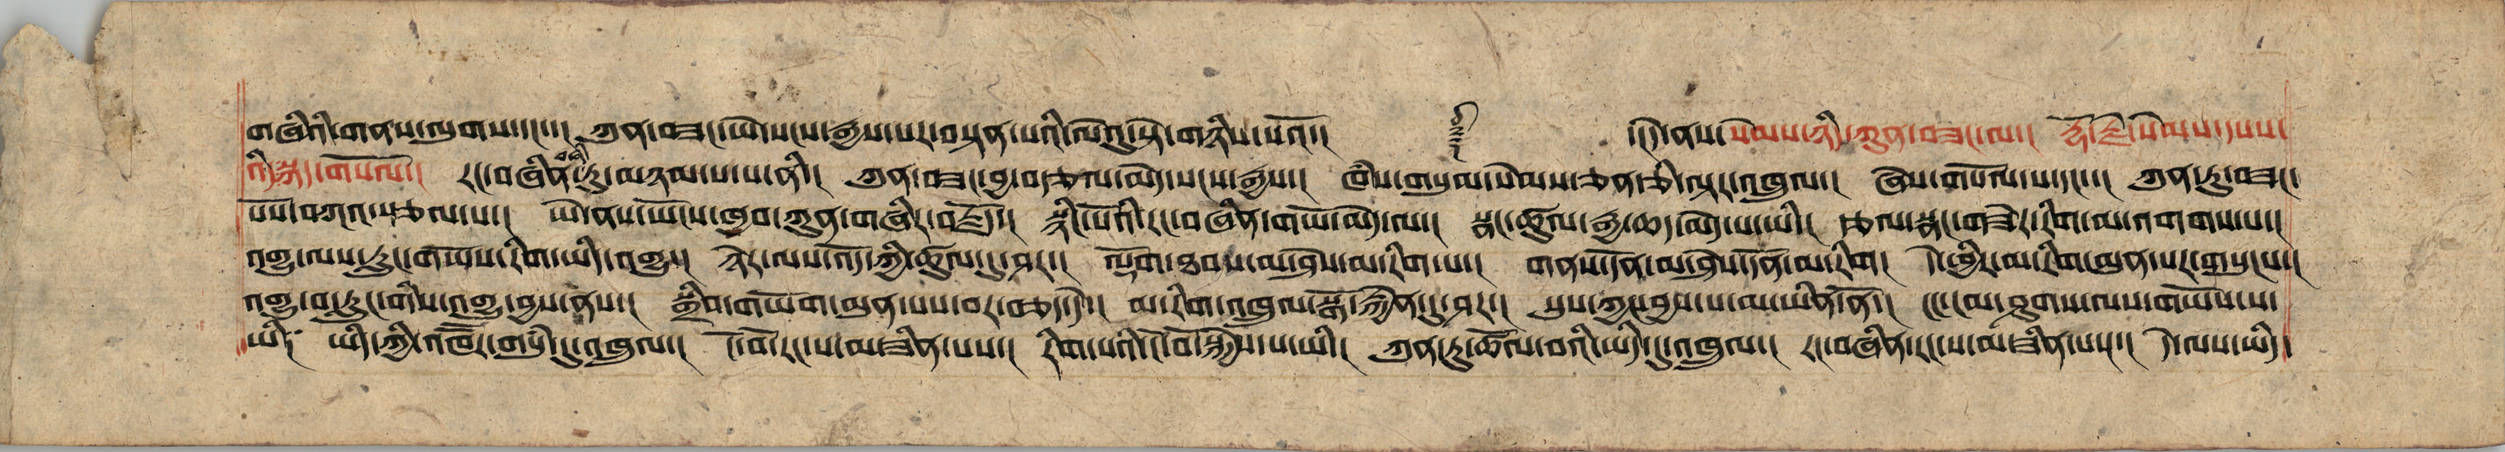གཞིའི་གནས་ལུགས་དང་་། ཀུན་བཟང་ཡེ་སངས་རྒྱས་པར་བསྟན་པའི་ལེའུ་སྟེ་གཉིས་པའོ་། ༈ ་།དེ་ནས་སེམས་ཉིད་ཀུན་བཟང་ལ་། རྡོ་རྗེ་སེམས་དཔས་
འདི་སྐད་གསོལ་། རང་བཞིན་རུ་མཉམ་ས་པ་ནི་། ཀུན་བཟང་བྱ་བརྩལ་མེད་སངས་རྒྱས་། ཁཾས་གསུམ་སེམས་ཅན་ཅི་ལྟར་འཁྲུལ་། ཞེས་གསོལ་པ་དང་་། ཀུན་ཏུ་བཟང་
པོས་བཀའ་སྩལ་པ་། ཡེ་ནས་ཡོངས་ཁྱབ་ཀུན་གཞིར་བརྗོད་། སྙིང་པོའི་རང་བཞིན་གཡོ་མེད་ལ་། སྣང་ཚུལ་རྒྱ་ཆད་མེད་པ་ཡི་། རྩལ་སྣང་གཟེར་རིག་མ་འགགས་པ་།
འགྱུ་ལས་རླུང་གཡོས་རིག་ཡིད་འགྱུ་། ཉེར་ལས་འོད་ཀྱི་ཚུལ་དུ་ཤར་། ལྡོག་ཐབས་མ་ཤེས་མ་རིག་པ་། གནས་དོན་མ་ཤེས་དོན་མ་རིག། དེ་ཕྱིར་མ་རིག་མུན་པར་གསུངས་།
འགྱུ་བ་རླུང་གིས་འགྱུ་བྱས་ནས་། སྒྲིབ་གཡོག་མུན་པས་བར་བཅད་དེ་། མ་རིག་འཁྲུལ་སྒོ་རྐྱེན་དུ་ཤར་། སུས་ཀྱང་བྱས་པ་མ་ཡིན་ནོ་། ངང་ངམ་ཤུགས་ལས་གཡོས་པ་
ཡི༑ ཡིད་ཀྱི་འཁཽར་གསུཾ་དུ་འཁྲུལ་། ངོ་བོ་རང་ས་མ་ཟིན་པས་། རིག་པའི་ངོ་བོ་སྐྱེས་པ་ཡི་། ཀུན་ཏུ་ཚོལ་བའི་ཡིད་དུ་འཁྲུལ་། རང་བཞིན་རང་ས་མ་ཟིན་པས་། དེ་ལས་ཡིད་